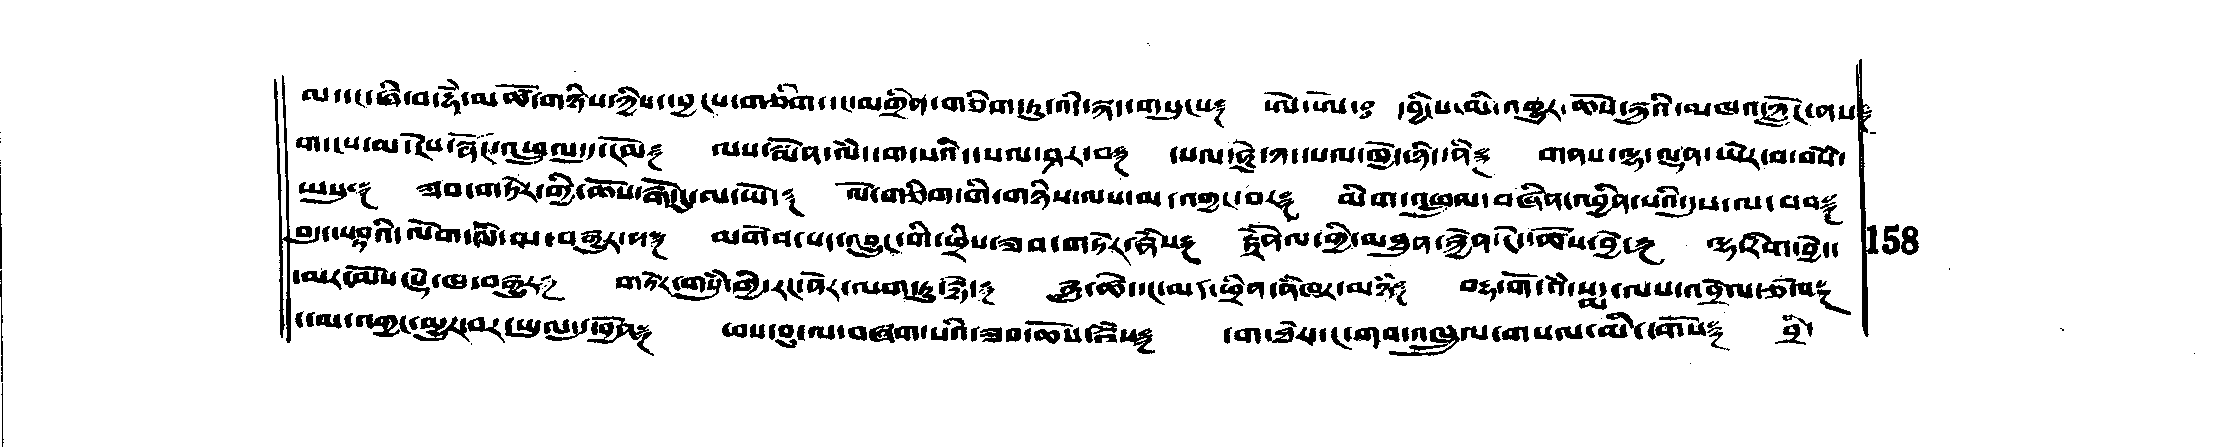མ་དང་ཞི་བ་རྡོ་རྗེ་མཚོ་གཉིས་ཀྱིས་དབྱངས་གཅིག་དང་མགྲིན་གཅིག་ཏུ་འདི་སྐད་གསུངས། ཨེ་ཨེ། དབྱིངས་མི་འགྱུར་ཆོས་སྐུའི་མཁའ་ཀློང་ནས། །
གདངས་མ་ངེས་སྣ་ཚོགས་འཕྲུལ་དུ་ངོམ། །ལས་སྨོན་ལམ་དག་པའི་དཔལ་ཤར་བ། །དཔལ་ཧེ་རུ་ཀ་དཔལ་ཁྱོད་ཉིད་ནི། །གནས་ལྷ་ལྡན་ཡེར་པ་བསམ་
ཡས་སུ། །ཟབ་གཏེར་གྱི་ཆོས་སྒོ་དུ་མ་ཡོད། །ལོ་གཅིག་གི་གཉིས་ལས་མ་འགྱང་བར། །མིག་འཕྲུལ་བཞིན་འབྱིན་པའི་དུས་ལ་བབ། །
བདུད་སབྟའི་ལོག་ལམ་ལ་བསྒྱུར་ན། །མགོན་པད་འབྱུང་གི་ཕྲིན་ལས་ཟབ་གཏེར་རྣམས། །རྟེན་འབྲེལ་གྱི་མཐུན་རྐྱེན་ངེད་ཚོས་བྱེད། །ལྷ་རིག་བྱེད་
དམར་མོས་སྡེ་ཁ་བསྒྱུར། །གཏེར་གསུམ་གྱི་རང་ནོར་ལག་ཏུ་རྙེད། །སྐུ་ཚེ་དང་མཛད་ཕྲིན་ནམ་མཁར་མཉམ། །བརྡ་གོ་འམ་པདྨ་ལས་འབྲེལ་རྩལ། །
ད་མ་འགྱང་མྱུར་བར་ཡུལ་དུ་བྱོན། །ཕས་བུ་ལ་བཞག་པའི་ཟབ་ཆོས་རྣམས། །དག་ཐེར་དང་གབ་འཁྲུལ་གསལ་མི་དགོས། །བྲི་